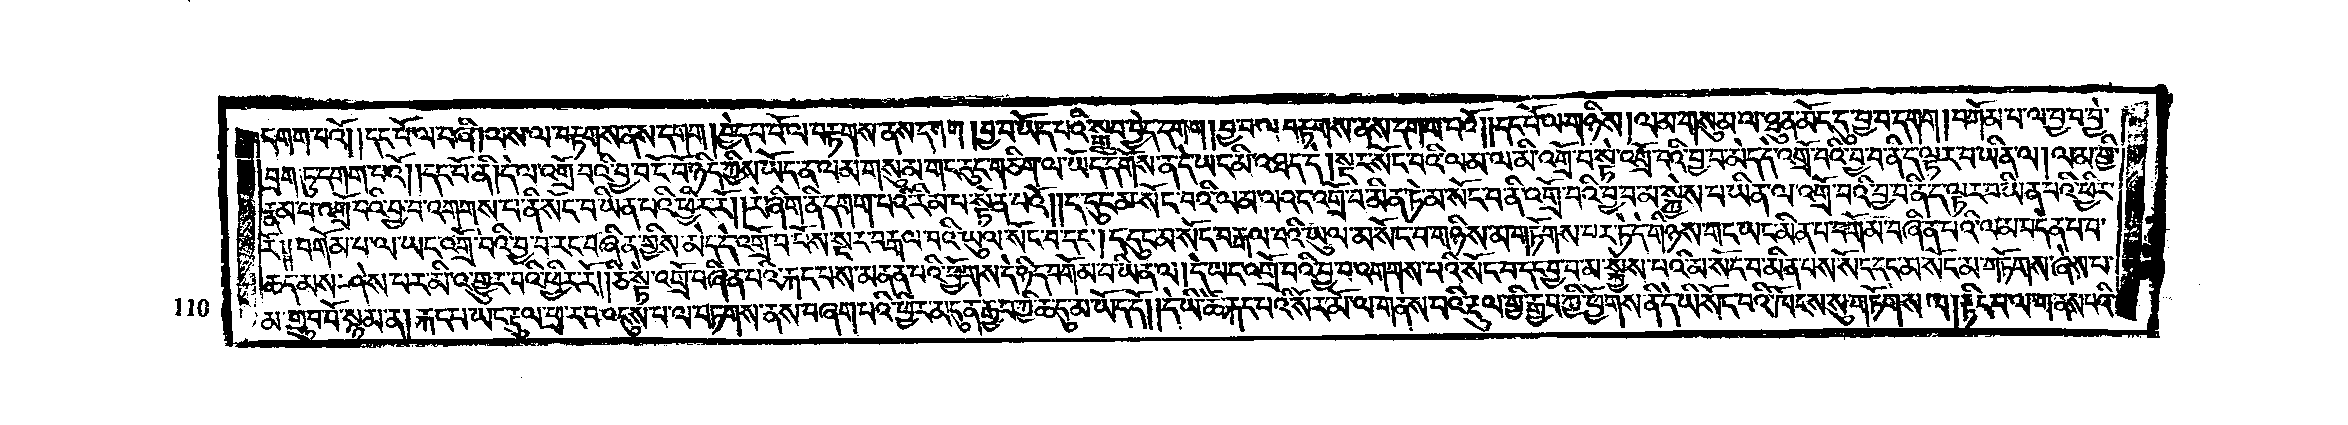དགག་པའོ། །དང་པོ་ལ་བཞི། ལས་ལ་བརྟགས་ནས་དགག། བྱེད་པ་པོ་ལ་བརྟགས་ནས་དགག། བྱ་བ་ཡོད་པའི་སྒྲུབ་བྱེད་དགག། བྱ་བ་ལ་བརྟགས་ནས་དགག་པའོ། །དང་པོ་ལ་གཉིས། ལམ་གསུམ་ལ་ཐུན་མོང་དུ་བྱ་བ་དགག། བགོམ་པ་ལ་བྱ་བ་བྱེ་
བྲག་ཏུ་དགག་པའོ། །དང་པོ་ནི། དེ་ལ་འགྲོ་བའི་བྱ་བ་ངོ་བོ་ཉིད་ཀྱིས་ཡོད་ན་ལམ་གསུམ་གང་རུང་གཅིག་ལ་ཡོད་དགོས་ན་དེ་ཡང་མི་འཐད་དེ། སྔར་སོང་བའི་ལམ་ལ་མི་འགྲོ་བ་སྟེ་འགྲོ་བའི་བྱ་བ་མེད་དེ་འགྲོ་བའི་བྱ་བ་ནི་ད་ལྟར་བ་ཡིན་ལ། ལམ་གྱི་
རྣམ་པ་འགྲོ་བའི་བྱ་བ་འགགས་པ་ནི་སོང་བ་ཡིན་པའི་ཕྱིར་རོ། །རེ་ཞིག་ནི་དགག་པའི་རིམ་པ་སྟོན་པའོ། །ད་དུང་མ་སོང་བའི་ལམ་ལའང་འགྲོ་བ་མིན་ཏེ་མ་སོང་བ་ནི་འགྲོ་བའི་བྱ་བ་མ་སྐྱེས་པ་ཡིན་པ་ལ་འགྲོ་བའི་བྱ་བ་ནི་ད་ལྟར་བ་ཡིན་པའི་ཕྱིར་
རོ། །བགོམ་པ་ལ་ཡང་འགྲོ་བའི་བྱ་བ་རང་བཞིན་གྱིས་མེད་དེ་འགྲོ་བ་པོས་སྔར་བརྒལ་བའི་ཡུལ་སོང་བ་དང་། ད་དུང་མ་སོང་བརྒལ་བའི་ཡུལ་མ་སོང་བ་གཉིས་མ་གཏོགས་པར་ཏེ་དེ་གཉིས་གང་ཡང་མིན་པ་བགོམ་བཞིན་པའི་ལམ་བདེན་པ་བ་
ཆད་མས་ཤེས་པར་མི་འགྱུར་བའི་ཕྱིར་རོ། །ཅི་སྟེ་འགྲོ་བཞིན་པའི་རྐང་པས་མནན་པའི་ཕྱོགས་དེ་ཉིད་བགོམ་པ་ཡིན་ལ། དེ་ཡང་འགྲོ་བའི་བྱ་བ་འགགས་པའི་སོང་བ་དང་བྱ་བ་མ་སྐྱེས་པའི་མ་སོང་བ་མིན་པས་སོང་དང་མ་སོང་མ་གཏོགས་ཞེས་པ་
མ་གྲུབ་པོ་སྙམ་ན། རྐང་པ་ཡང་རྡུལ་ཕ་རབ་འདུས་པ་ལ་བཏགས་ནས་བཞག་པའི་ཕྱིར་མདུན་རྒྱབ་ཀྱི་ཆེ་དུ་མ་ཡོད་དོ། །དེ་ཡི་ཚེ་རྐང་པའི་སོར་མོ་ལ་གནས་པའི་རྡུལ་གྱི་རྒྱབ་ཀྱི་ཕྱོགས་ནི་དེ་ཡི་སོང་བའི་ཁོངས་སུ་གཏོགས་ལ། རྟིང་པ་ལ་གནས་པའི་